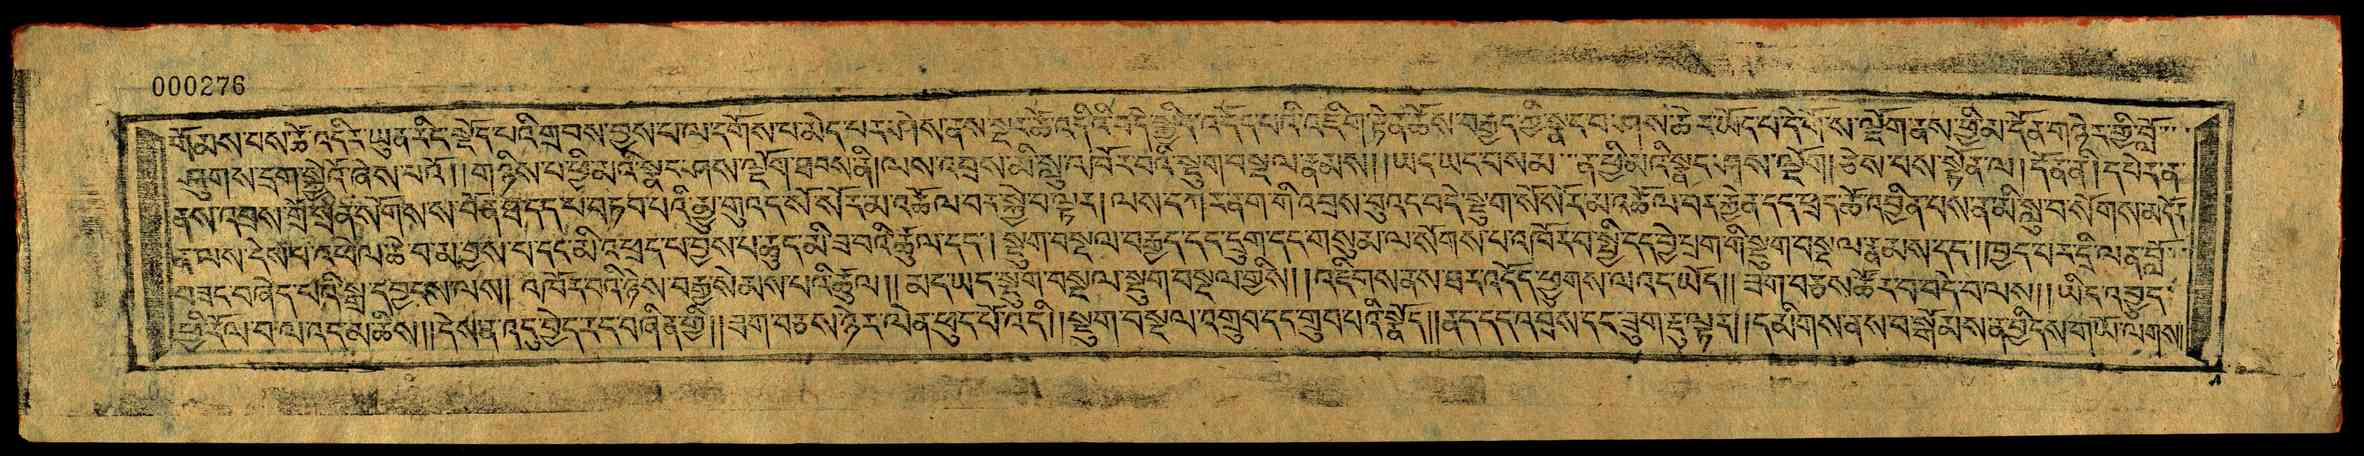གོམས་པས་ཚེ་འདིར་ཡུན་རིང་སྡོད་པའི་གྲབས་བྱས་པ་ལ་དགོས་པ་མེད་པར་ཤེས་ནས་སྔར་ཚེ་འདིའི་བདེ་སྐྱིད་འདོད་པའི་འཇིག་རྟེན་ཆོས་བརྒྱད་ཀྱི་སྣང་བ་ཤས་ཆེར་ཡོད་པ་དེ་གོས་ལྡོག་ནས་ཕྱི་མ་དོན་གཉེར་གྱི་བློ་་་
ཤུགས་དྲག་སྐྱེའོ་ཞེས་པའོ། །གཉིས་པ་ཕྱི་མའི་སྣང་ཤས་ལྡོག་ཐབས་ནི། ལས་འབྲས་མི་སླུ་འཁོར་བའི་སྡུག་བསྔལ་རྣམས། །ཡང་ཡང་བསམ་་་ན་ཕྱི་མའི་སྣང་ཤས་ལྡོག། ཅེས་པས་སྟོན་ལ། དོན་ནི། དཔེར་ན་་་
ནས་འབྲས་གྲོ་སྲན་སོགས་ས་བོན་ཐ་དད་པ་བཏབ་པའི་མྱུ་གུའང་སོ་སོར་མ་འཆོལ་བར་སྐྱེ་བ་ལྟར། ལས་དཀར་ནག་གི་འབྲས་བུའང་བདེ་སྡུག་སོ་སོར་མ་འཆོལ་བར་རྐྱེན་དང་ཕྲད་ཚེ་འབྱིན་པས་ན་མི་སླུ་བ་སོགས་མདོར་
ན་ལས་ངེས་པ་འཕེལ་ཆེ་བ་མ་བྱས་པ་དང་མི་འཕྲད་པ་བྱས་པ་ཆུད་མི་ཟ་བའི་ཚུལ་དང་། སྡུག་བསྔལ་བརྒྱད་དང་དྲུག་དང་གསུམ་ལ་སོགས་པ་འཁོར་བ་སྤྱི་དང་བྱེ་བྲག་གི་སྡུག་བསྔལ་རྣམས་དང་། ཁྱད་པར་དྲི་ལན་བློ་་་
བཟང་བཞེད་པའི་སྒྲ་དབྱངས་ལས། འཁོར་བའི་ཉེས་བརྒྱ་སེམས་པའི་ཚུལ། །མང་ཡང་སྡུག་བསྔལ་སྡུག་བསྔལ་གྱིས། །འཛིགས་ནས་ཐར་འདོད་ཕྱུགས་ལའང་ཡོད། །ཟག་བཅས་ཚོར་བ་བདེ་བ་ལས། །ཡིད་འབྱུང་་་
ཕྱི་རོལ་པ་ལའང་མཆིས། །དེས་ན་འདུ་བྱེད་རང་བཞིན་གྱི། །ཟག་བཅས་ཉེར་ལེན་ཕུང་པོ་འདི། །སྡུག་བསྔལ་འགྲུབ་དང་གྲུབ་པའི་སྣོད། །ནད་དང་འབྲས་དང་ཟུག་རྔུ་ལྟར། །དམིགས་ནས་བསྒོམས་ན་བྱིངས་གཡོ་ལགས་